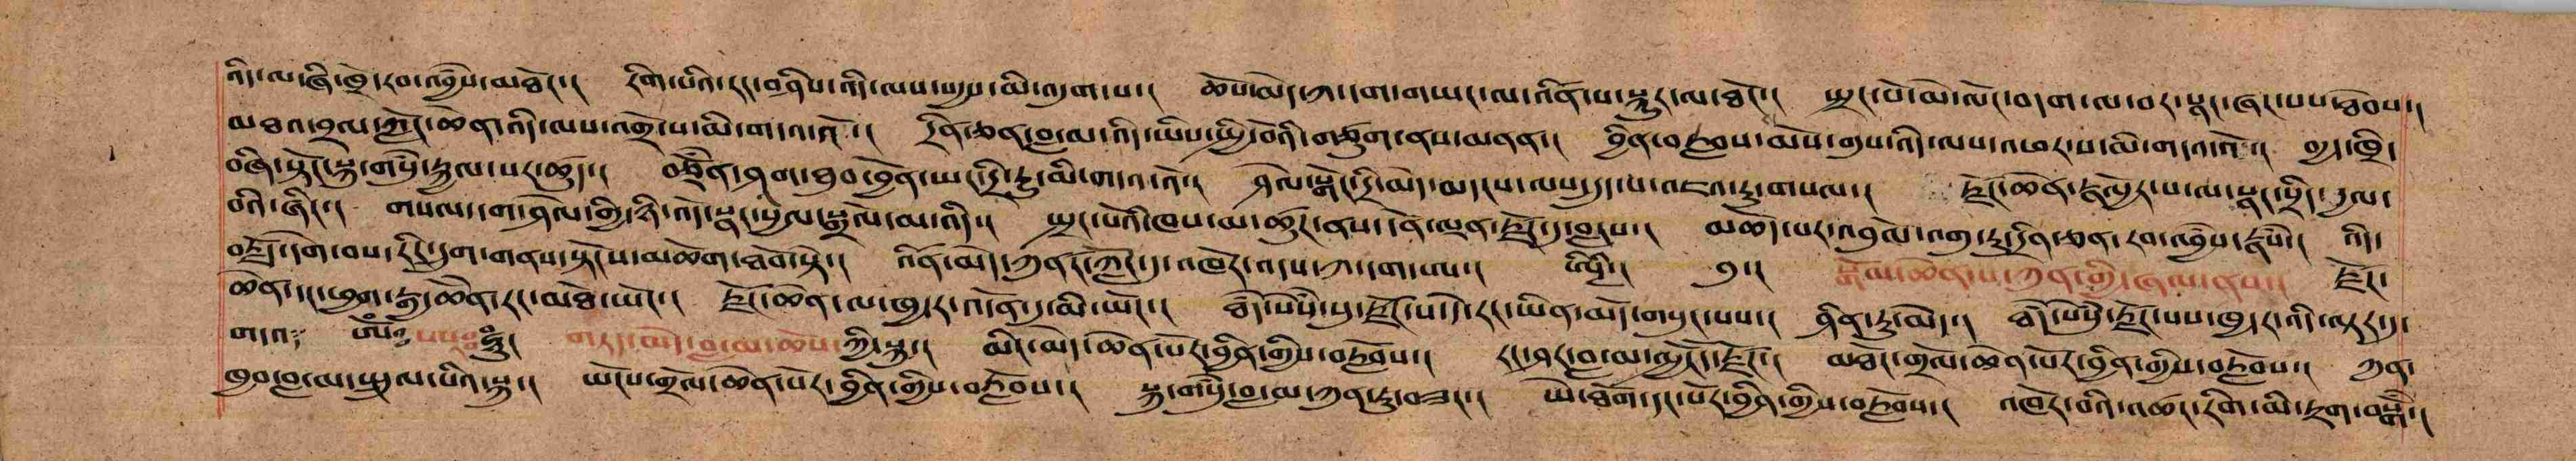འདི་ལ་རབ་འབྱམས་མཐོང་།། རིག་པའི་རང་གཤིས་འདི་ལས་སངས་རྒྱས་མི་འདུག་པ།། ཆོས་མེད་ཀ་དག་གཡང་ལ་འཛིན་པ་སྐྱུར་ལ་ཐོང་།། སྤྲང་པོ་མེ་ལོང་བདག་ལ་བར་སྣང་ཞགས་པས་ཐེབས།། 
མཐའ་བྲལ་ཀློང་ཆེན་འདི་ལས་འགྲོ་ས་མི་གདའ་འོ།། དྲིན་ཅན་བླ་མ་འདི་ཡིས་སྤྱི་བའི་གཙུག་ནས་མནན་ བྱིན་བརླབས་མོས་འདི་ལས་འཕར་བ་མི་གདའ་འོ་ བརྒྱད་ཁྲི
བཞི་སྟོང་སྐུ་གསུམ་སྐྱབས་པར་ཆུད བཙོན་ཤག་ཐུབ་བྱོན་ཡང་དྲི་ཏུ་མི་གདའ་འོ ཤེལ་སྒོང་དྲི་མེད་མདངས་ལས་དྲུད་པ་འཇའ་རུ་གསལ།། རྫོགས་ཆེན་རྣལ་འབྱོར་པ་ལ་སྣང་སྲིད་རྒྱལ་
བའི་ཞིང་།། གསལ་དག་ཤེལ་གྱི་ཉི་འོད་སྣང་གསལ་སྒྲོལ་མ་འདི།། སྤྲང་པོའི་ཁས་མ་ཚུགས་ནས་དོན་ལྡན་རྫོགས་དུ་བླངས།། མཆོད་པར་འབུལ་ལོ་འགུ་རུ་དྲིན་ཅན་རབ་འབྱམས་རྣམས།། འདི་
བརྗོད་དགེ་བས་རིགས་དྲུག་གནས་སྟོང་མཆོག་ཐོབ་སྟེ།། འཛིན་མེད་ཀུན་བཟང་ཀློང་དུ་འཁོར་འདས་ཀ་དག་ཨ།། ཨིཊི།། ༄་། སྒོམ་ཆེན་པ་ཀུན་གྱི་ཞལ་ནས།། རྫོགས་
ཆེན་དང་ཕྱག་རྒྱ་ཆེན་པོ་རང་མཐོ་ཡོང་།། རྫོགས་ཆེན་ལ་ཁྱད་པར་འདོན་དུ་མི་ཡོང་།། ཐམས་ཅད་སེམས་སུ་རྫོགས་པ་དེ་རང་ཡིན་མདོ་གསུང་པས། ཤིན་ཏུ་མོད།། ཐམས་ཅད་སེམས་སུ་རྫོགས་པས་ཁྱད་པར་འདི་ལྟར་དུ་
གདའ།། ཨོཾ་ཨཱཿཧཱུཾ།། གཏད་མེད་བླ་མ་ཆོས་ཀྱི་སྐུ།། མིང་མེད་ཆེན་པོར་བྱིན་གྱིས་བརློབས།། རང་ཤར་བླ་མ་ལོངས་སྤྱོད་རྫོགས།། མཐོང་གྲོལ་ཆེན་པོར་བྱིན་གྱིས་རློབས།། ཀུན་
ཁྱབ་བླ་མ་སྤྲུལ་པའི་སྐུ།། ཡོངས་གྲོལ་ཆེན་པོར་བྱིན་གྱིས་རློབས།། སྐུ་གསུམ་བླ་མ་ཀུན་ཏུ་བཟང་།། ཡེ་ཐོག་དང་པོར་བྱིན་གྱིས་རློབས།། འཁོར་བའི་འཚང་རིག་མི་རྟག་བསྒོམ།།